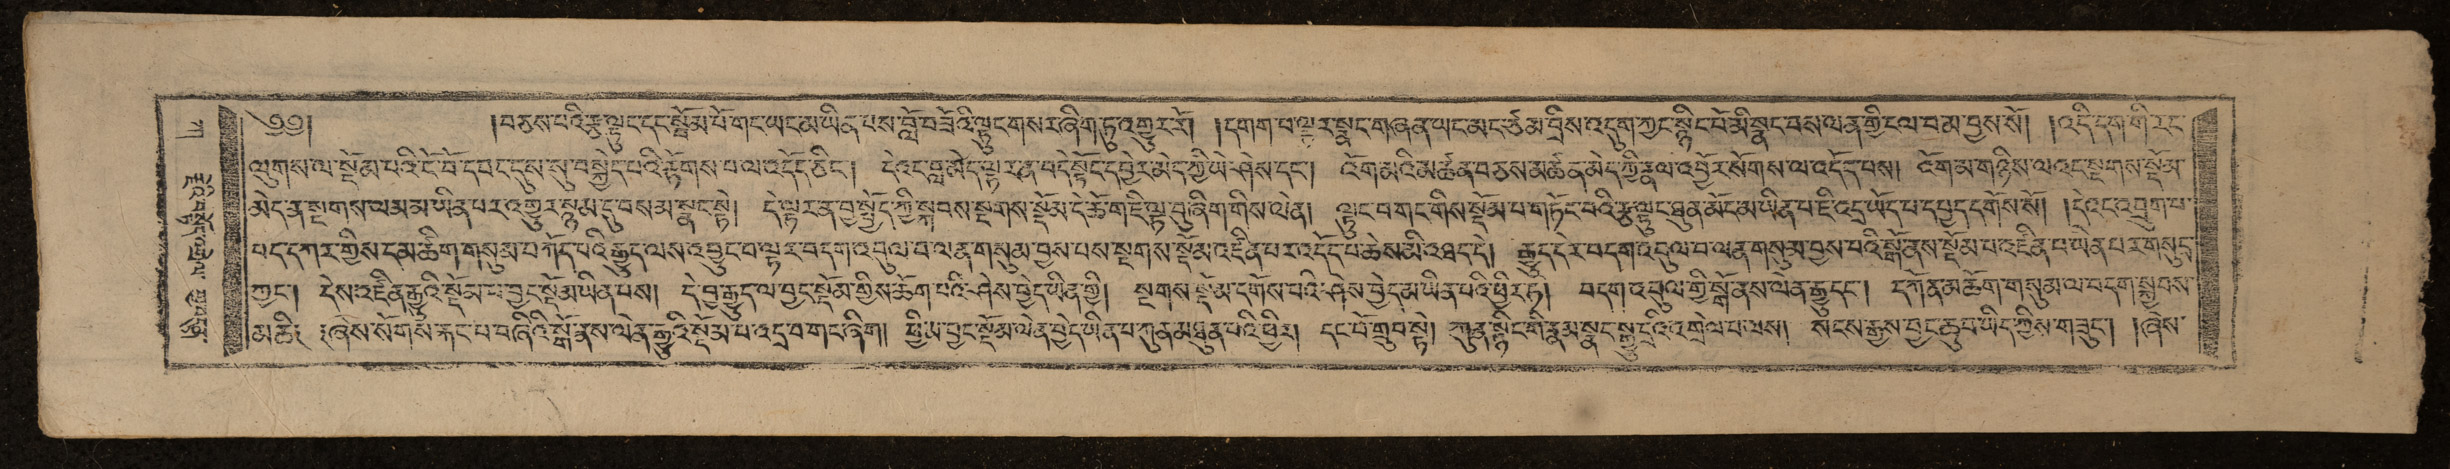༄༅། །བཅས་བའི་རྩ་ལྟུང་དང་སྦོམ་པོ་གང་ཡང་མ་ཡིན་པས་བློ་བཟོའི་ལྟུང་གསར་ཞིག་ཏུ་འགྱུར་རོ། །དགག་པ་ལྟར་སྣང་གཞན་ཡང་མང་ཙམ་བྲིས་འདུག་ཀྱང་སྙིང་པོ་མི་སྣང་བས་ལན་གྱི་ངལ་བ་མ་བྱས་སོ། །འདི་དག་གི་རང་
ལུགས་ལ་སྡོམ་པའི་ངོ་བོ་དབང་དུས་སུ་བསྐྱེད་པའི་རྟོགས་པ་ལ་འདོད་ཅིང་། དེའང་བླ་མེད་ལྟར་ན་བདེ་སྟོང་དབྱེར་མེད་ཀྱི་ཡེ་ཤེས་དང་། འོག་མའི་མཚན་བཅས་མཚན་མེད་ཀྱི་རྣལ་འབྱོར་སོགས་ལ་འདོད་པས། འོག་མ་གཉིས་ལའང་སྔགས་སྡོམ་
མེད་ན་སྔགས་ལམ་མ་ཡིན་པར་འགྱུར་སྙམ་དུ་བསམ་སྣང་སེ། དེ་ལྟར་ན་བྱ་སྤྱོད་ཀྱི་སྐབས་སྔགས་སྡོམ་དེ་ཆོ་ག་ཇི་ལྟ་བུ་ཞིག་གིས་ལེན། ལྟུང་བ་གང་གིས་སྡོམ་པ་གཏོང་བའི་རྩ་ལྟུང་ཐུན་མོང་མ་ཡིན་པ་ཇི་འདྲ་ཡོད་པ་དཔྱད་དགོས་སོ། །དེའང་འབྲུག་པ་
པད་དཀར་གྱིས་དམ་ཚིག་གསུམ་བཀོད་པའི་རྒྱུད་ལས་འབྱུང་བ་ལྟར་བདག་འབུལ་བ་ལན་གསུམ་བྱས་པས་སྔགས་སྡོམ་འཛིན་པར་འདོད་པ་ཆེས་མི་འཐད་དེ། རྒྱུད་དེར་བདག་འབུལ་བ་ལན་གསུམ་བྱས་པའི་སྒོ་ནས་སྡོམ་པ་འཛིན་པ་ཡིན་པར་གསུངས་
ཀྱང༑ དེས་འཛིན་རྒྱུའི་སྡོམ་པ་བྱང་སྡོམ་ཡིན་པས། དེ་བྱ་རྒྱུད་ལ་བྱང་སྡོམ་གྱིས་ཆོག་པའི་ཤེས་བྱེད་ཡིན་གྱི། སྔགས་སྡོམ་དགོས་པའི་ཤེས་བྱེད་མ་ཡིན་པའི་ཕྱིར་ཏེ། བདག་འབུལ་གྱི་སྒོ་ནས་ལེན་རྒྱུ་དང་། དཀོན་མཆོག་གསུམ་ལ་བདག་སྐྱབས་
མཆི༑ ༑ཞེས་སོགས་རྐང་པ་བཞིའི་སྒོ་ནས་ལེན་རྒྱུའི་སྡོམ་པ་འདྲ་བ་གང་ཞིག། ཕྱི་མ་བྱང་སྡོམ་ལེན་བྱེད་ཡིན་པ་ཀུན་མཐུན་པའི་ཕྱིར། དང་པོ་གྲུབ་སྟེ། ཀུན་སྙིང་གི་རྣམ་སྣང་སྒྱུ་དྲའི་འགྲེལ་པ་ལས། སངས་རྒྱས་བྱང་ཆུབ་ཡིད་ཀྱིས་གཟུང་། །ཞེས་